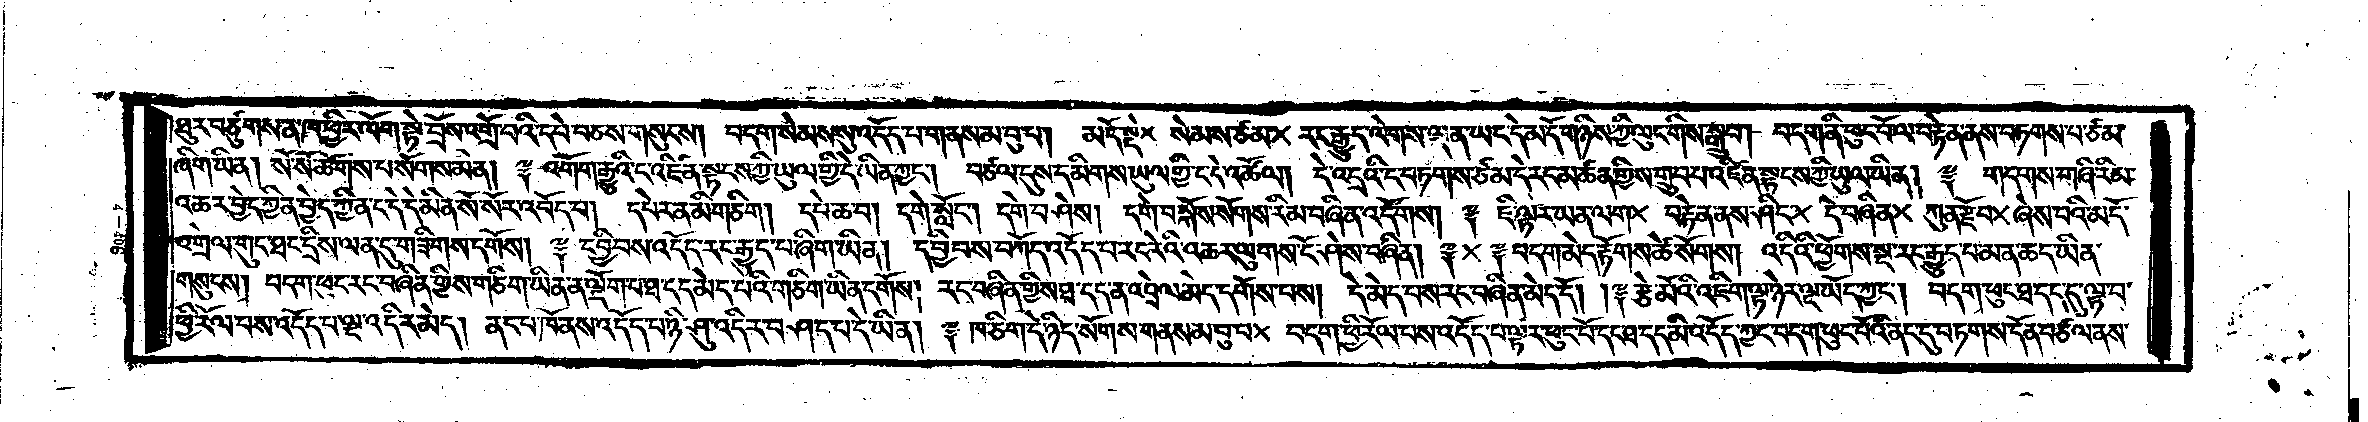ཐུར་བཙུགས་ན་ཁ་ཕྱིར་ལོག་སྟེ་བྲོས་འགྲོ་བའི་དཔེ་བཅས་གསུངས། བདག་སེམས་སུ་འདོད་པ་གནས་མ་བུ་པ། མདོ་སྡེ་྾་སེམས་ཙམ་྾་རང་རྒྱུད་ལེགས་ལྡན་ཡང་དེ་མདོ་གཉིས་ཀྱི་ལུང་གིས་སྒྲུབ། བདག་ནི་ཕུང་བོ་ལ་བརྟེན་ནས་བཏགས་པ་ཙམ་
ཞིག་ཡིན། སོ་སོ་ཚོགས་པ་སོགས་མིན། ༈ འགོག་རྒྱུའི་ང་འཛིན་སྟངས་ཀྱི་ཡུལ་གྱི་དེ་ཡིན་ཀྱང་། བཙལ་དུས་དམིགས་ཡུལ་གྱི་ང་དེ་འཚོལ། དེ་འདྲའི་ང་བཏགས་ཙམ་དེ་རང་མཚན་གྱིས་གྲུབ་པ་འཛིན་སྟངས་ཀྱི་ཡུལ་ཡིན། ༈ གདགས་གཞི་རིམ་
འཆར་བྱེད་ཀྱི་ན་བྱེད་ཀྱི་ན་ད་དེ་དེ་མིན་སོ་སོར་འབོད་པ། དཔེར་ན་མི་གཅིག། དཔེ་ཆ་བ། དགེ་སློང་། དགེ་བཤེས། དགེ་བསྐོས་སོགས་རིམ་བཞིན་འདོགས། ༈ ཇི་ལྟར་ཡན་ལག་྾་བརྟེན་ནས་ཤིང་྾་དེ་བཞིན་྾་ཀུན་རྫོབ་྾་ཞེས་བའི་མདོ་
འགྲེལ་གུང་ཐང་དྲིས་ལན་དུ་གཟིགས་དགོས། ༈ དབྱིབས་འདོད་རང་རྒྱུད་པ་ཞིག་ཡིན། དབྱིབས་བཀོད་འདོད་པ་རང་རེའི་འཆར་ལུགས་ངོ་ཤེས་བཞིན། ༈ ྾་༈ བདག་མེད་རྟོགས་ཚེ་སོགས། འདིའི་ཕྱོགས་སྔ་རང་རྒྱུད་པ་མན་ཆད་ཡིན་
གསུངས། བདག་ཕུང་རང་བཞིན་གྱིས་གཅིག་ཡིན་ན་ལྡོག་པ་ཐ་དད་མེད་པའི་གཅིག་ཡིན་དགོས། རང་བཞིན་གྱིས་ཐ་དད་ན་འབྲེལ་མེད་དགོས་པས། དེ་མེད་པས་རང་བཞིན་མེད་དོ། །༈ རྩེ་མོའི་འཇིག་ལྟ་ཉེར་ལྔ་ཡོད་ཀྱང་། བདག་ཕུང་ཐ་དད་དུ་ལྟ་པ་
ཕྱི་རོལ་པས་འདོད་པ་ལྔ་འདིར་མེད། ནང་པ་ཁོ་ནས་འདོད་པ་ཉི་ཤུ་འདིར་བཤད་པ་དེ་ཡིན། ༈ ཁ་ཅིག་དེ་ཉིད་སོགས་གནས་མ་བུ་པ་྾་བདག་ཕྱི་རོལ་པས་འདོད་པ་ལྟར་ཕུང་པོ་དང་ཐ་དད་མི་འདོད་ཀྱང་བདག་ཕུང་བོའི་ནང་དུ་བཏགས་དོན་བཙལ་ནས་